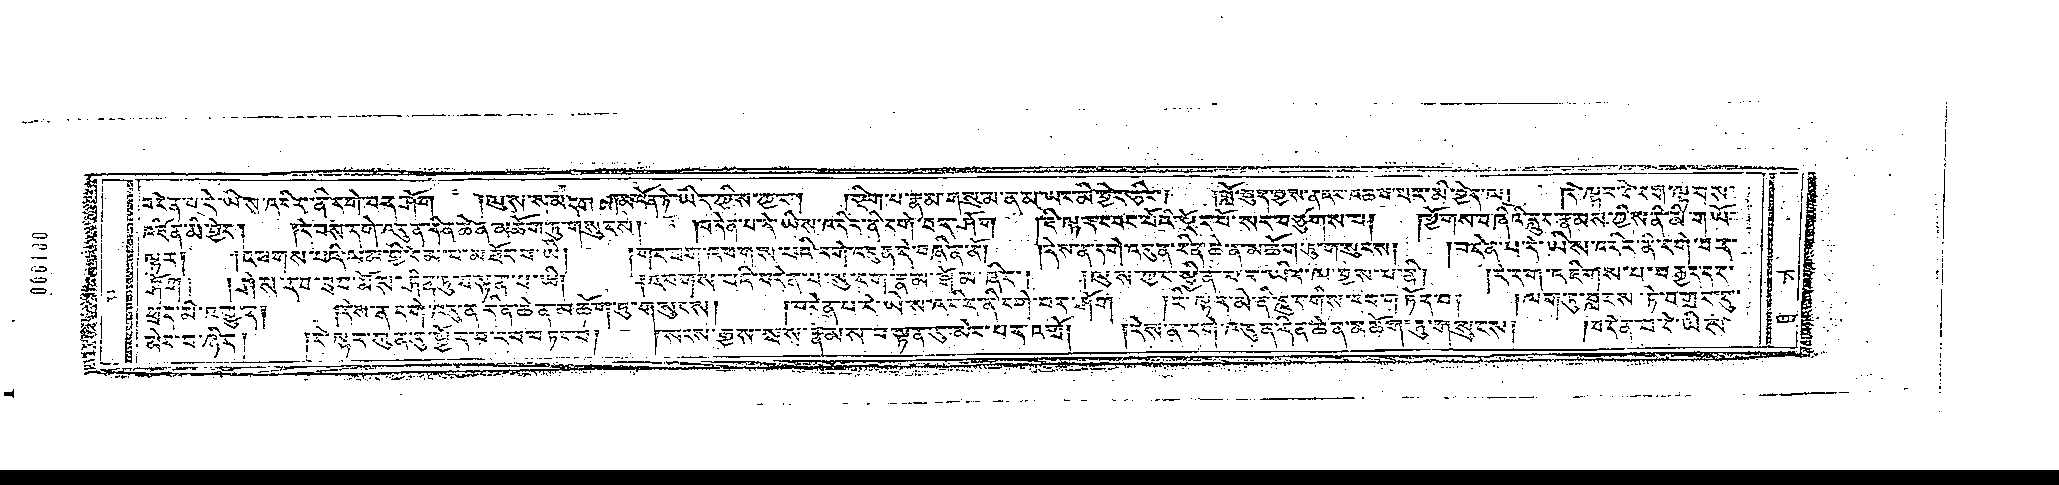བདེན་པ་དེ་ཡིས་འདིར་ནི་དགེ་བར་ཤོག །ལུས་སམ་ངག་གམ་འོན་ཏེ་ཡིད་ཀྱིས་ཀྱང་། །སྡིག་པ་རྣམ་གསུམ་ནམ་ཡང་མི་བྱེད་ཅིང་། །གློ་བུར་བྱས་ནའང་འཆབ་པར་མི་བྱེད་ལ། །དེ་ལྟར་དེ་དག་ལྟ་བས་
འཛིན་མི་བྱེད། །དེ་བས་དགེ་འདུན་རིན་ཆེན་མཆོག་ཏུ་གསུངས། །བདེན་པ་དེ་ཡིས་འདིར་ནི་དགེ་བར་ཤོག །ཇི་ལྟར་དབང་པོའི་སྡོང་པོ་སར་བཙུགས་པ། །ཕྱོགས་བཞིའི་རླུང་རྣམས་ཀྱིས་ནི་མི་གཡོ་
ལྟར། །འཕགས་པའི་ལམ་གྱི་དམ་པ་མཐོང་པ་ཡི། །གང་ཟག་འཕགས་པའི་དགེ་འདུན་དེ་བཞིན་ནོ། །དེས་ན་དགེ་འདུན་རིན་ཆེན་མཆོག་ཏུ་གསུངས། །བདེན་པ་དེ་ཡིས་འདིར་ནི་དགེ་བར་
ཤོག །ཤེས་རབ་ཟབ་མོས་ཤིན་ཏུ་བསྟན་པ་ཡི། །འཕགས་པའི་བདེན་པ་སུ་དག་རྣམ་སྒོམ་ཞིང་། །ལུས་ཀྱང་སྦྱིན་པར་ཡིད་ལ་བྱས་པ་ནི། །དེ་དག་འཇིགས་པ་བརྒྱད་དང་
ཕྲད་མི་འགྱུར། །དེས་ན་དགེ་འདུན་རིན་ཆེན་མཆོག་ཏུ་གསུངས། །བདེན་པ་དེ་ཡིས་འདིར་ནི་དགེ་བར་ཤོག །ཇི་ལྟར་མེ་ནི་རླུང་གིས་རབ་གཏོར་བ། །ལག་ཏུ་བླངས་ཏེ་བགྲང་དུ་
མེད་པ་ཉིད། །དེ་ལྟར་ཀུན་དུ་སྦྱོར་བ་རབ་བཏད་བ། །སངས་རྒྱས་སྲས་རྣམས་བསྟན་དུ་མེད་པར་འགྲོ། །དེས་ན་དགེ་འདུན་རིན་ཆེན་མཆོག་ཏུ་གསུངས། །བདེན་པ་དེ་ཡིས་